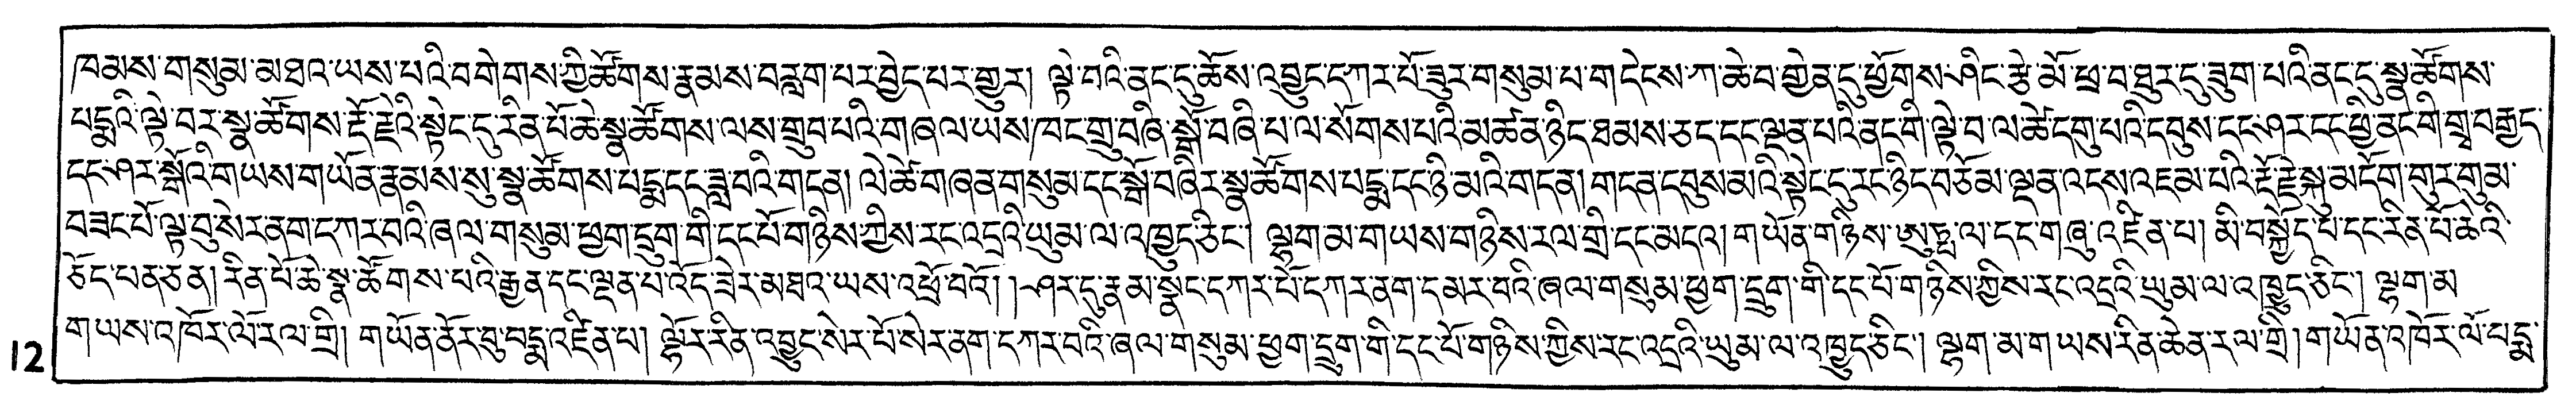ཁམས་གསུམ་མཐའ་ཡས་པའི་བགེགས་ཀྱི་ཚོགས་རྣམས་བརླག་པར་བྱེད་པར་གྱུར། ལྟེ་བའི་ནང་དུ་ཆོས་འབྱུང་དཀར་པོ་ཟུར་གསུམ་པ་གདེངས་ཀ་ཆེ་བ་གྱེན་དུ་ཕྱོགས་ཤིང་རྩེ་མོ་ཕྲ་བ་ཐུར་དུ་ཟུག་པའི་ནང་དུ་སྣ་ཚོགས་
པདམའི་ལྟེ་བར་སྣ་ཚོགས་རྡོ་རྗེའི་སྟེང་དུ་རིན་པོ་ཆེ་སྣ་ཚོགས་ལས་གྲུབ་པའི་གཞལ་ཡས་ཁང་གྲུ་བཞི་སྒོ་བཞི་པ་ལ་སོགས་པའི་མཚན་ཉིད་ཐམས་ཅད་དང་ལྡན་པའི་ནང་གི་ལྟེ་བ་ལ་ཚེ་དགུ་པའི་དབུས་དང་ཤར་དང་ཕྱི་ནང་གི་གྲྭ་བརྒྱད་དང་ཤར་སྒོའི་གཡས་གཡོན་རྣམས་སུ་སྣ་ཚོགས་པདམ་དང་ཟླ་བའི་གདན། ལེ་ཚེ་གཞན་གསུམ་དང་སྒོ་བཞིར་སྣ་ཚོགས་པདམ་དང་ཉི་མའི་གདན། གདན་དབུས་མའི་སྟེང་དུ་རང་ཉིད་བཅོམ་ལྡན་འདས་འཇམ་པའི་རྡོ་རྗེ་སྐུ་མདོག་གུར་གུམ་
བཟང་པོ་ལྟ་བུ་སེར་ནག་དཀར་བའི་ཞལ་གསུམ་ཕྱག་དྲུག་གི་དང་པོ་གཉིས་ཀྱིས་རང་འདྲའི་ཡུམ་ལ་འཁྱུད་ཅིང་། ལྷག་མ་གཡས་གཉིས་རལ་གྲི་དང་མདའ། གཡོན་གཉིས་ཨུཏྤལ་དང་གཞུ་འཛིན་པ། མི་བསྐྱོད་པ་དང་རིན་པོ་ཆེའི་
ཅོད་པན་ཅན། རིན་པོ་ཆེ་སྣ་ཚོགས་པའི་རྒྱན་དང་ལྡན་པ་འོད་ཟེར་མཐའ་ཡས་འཕྲོ་བའོ། །ཤར་དུ་རྣམ་སྣང་དཀར་པོ་དཀར་ནག་དམར་བའི་ཞལ་གསུམ་ཕྱག་དྲུག་གི་དང་པོ་གཉིས་ཀྱིས་རང་འདྲའི་ཡུམ་ལ་འཁྱུད་ཅིང་། ལྷག་མ་
གཡས་འཁོར་ལོ་རལ་གྲི། གཡོན་ནོར་བུ་པདམ་འཛིན་པ། ལྷོར་རིན་འབྱུང་སེར་པོ་སེར་ནག་དཀར་བའི་ཞལ་གསུམ་ཕྱག་དྲུག་གི་དང་པོ་གཉིས་ཀྱིས་རང་འདྲའི་ཡུམ་ལ་འཁྱུད་ཅིང་། ལྷག་མ་གཡས་རིན་ཆེན་རལ་གྲི། གཡོན་འཁོར་ལོ་པདམ་